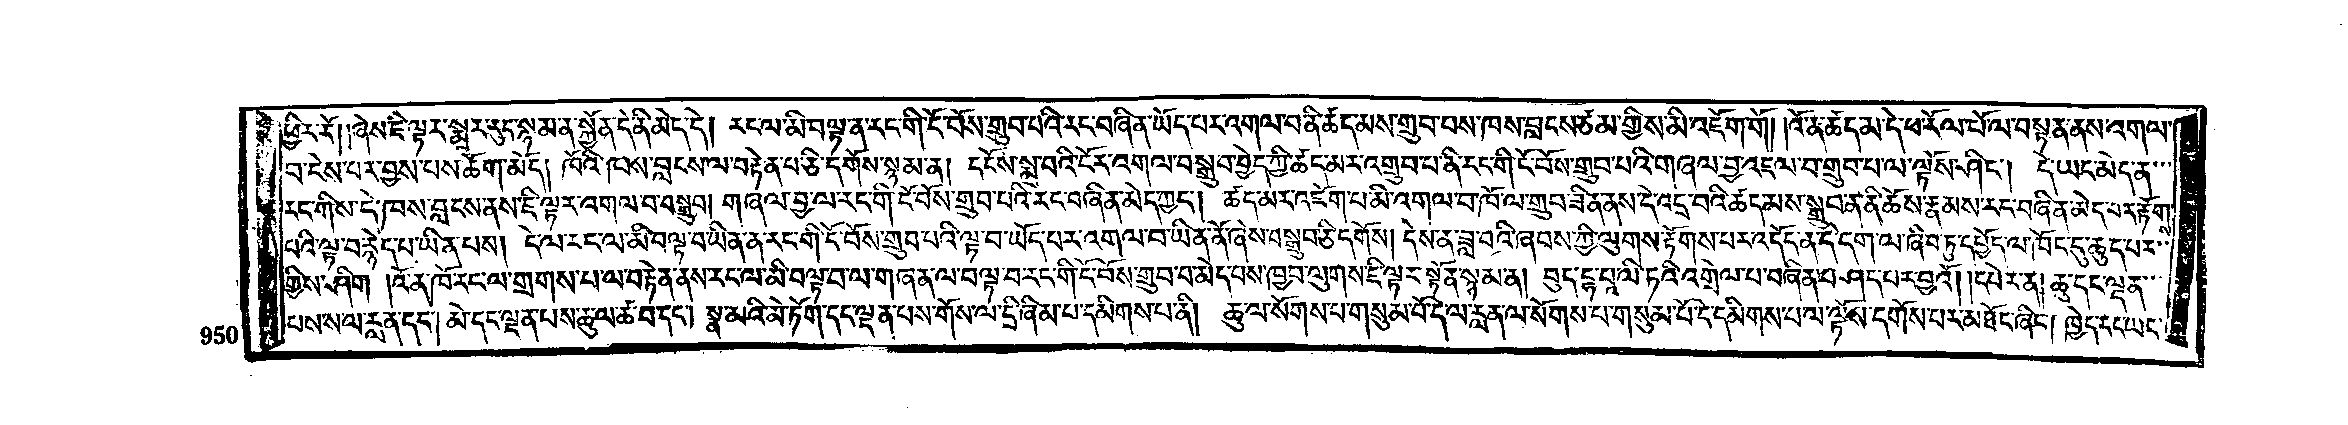ཕྱིར་རོ། །ཞེས་ཇི་ལྟར་སྨྲར་རུང་སྙམ་ན་སྐྱོན་དེ་ནི་མེད་དེ། རང་ལ་མི་བལྟ་ན་རང་གི་ངོ་བོས་གྲུབ་པའི་རང་བཞིན་ཡོད་པར་འགལ་བ་ནི་ཚད་མས་གྲུབ་པས་ཁས་བླངས་ཙམ་གྱིས་མི་འཇོག་གོ། །འོ་ན་ཚད་མ་དེ་ཕ་རོལ་པོ་ལ་བསྟན་ནས་འགལ་
བ་ངེས་པར་བྱས་པས་ཆོག་མོད། ཁོའི་ཁས་བླངས་ལ་བརྟེན་པ་ཅི་དགོས་སྙམ་ན། དངོས་སྨྲ་བའི་ངོར་འགལ་བ་སྒྲུབ་བྱེད་ཀྱི་ཚད་མར་འགྲུབ་པ་ནི་རང་གི་ངོ་བོས་གྲུབ་པའི་གཞལ་བྱ་འཇལ་བ་གྲུབ་པ་ལ་ལྟོས་ཤིང་། དེ་ཡང་མེད་ན་
རང་གིས་དེ་ཁས་བླངས་ནས་ཇི་ལྟར་འགལ་བ་བསྒྲུབ། གཞལ་བྱ་ལ་རང་གི་ངོ་བོས་གྲུབ་པའི་རང་བཞིན་མེད་ཀྱང་། ཚད་མར་འཇོག་པ་མི་འགལ་བ་ཁོ་ལ་གྲུབ་ཟིན་ནས་དེ་འདྲ་བའི་ཚད་མས་སྒྲུབ་ན་ནི་ཆོས་རྣམས་རང་བཞིན་མེད་པར་རྟོགས་
པའི་ལྟ་བརྙེད་པ་ཡིན་པས། དེ་ལ་རང་ལ་མི་བལྟ་བ་ཡིན་ན་རང་གི་ངོ་བོས་གྲུབ་པའི་ལྟ་བ་ཡོད་པར་འགལ་བ་ཡིན་ནོ་ཞེས་བསྒྲུབ་ཅི་དགོས། དེས་ན་ཟླ་བའི་ཞབས་ཀྱི་ལུགས་རྟོགས་པར་འདོད་ན་དེ་དག་ལ་ཞིབ་ཏུ་དཔྱོད་ལ་ཁོང་དུ་ཆུད་པར་
གྱིས་ཤིག །འོ་ན་ཁོ་རང་ལ་གྲགས་པ་ལ་བརྟེན་ནས་རང་ལ་མི་བལྟ་བ་ལ་གཞན་ལ་བལྟ་བ་རང་གི་ངོ་བོས་གྲུབ་པ་མེད་པས་ཁྱབ་ལུགས་ཇི་ལྟར་སྟོན་སྙམ་ན། བུད་དྷ་པཱ་ལི་ཏའི་འགྲེལ་པ་བཞིན་བཤད་པར་བྱའོ། །དཔེར་ན། ཆུ་དང་ལྡན་
པས་ས་ལ་རླན་དང་། མེ་དང་ལྡན་པས་ཆུ་ལ་ཚ་བ་དང་། སྣ་མའི་མེ་ཏོག་དང་ལྡན་པས་གོས་ལ་དྲི་ཞིམ་པ་དམིགས་པ་ནི། ཆུ་ལ་སོགས་པ་གསུམ་པོ་དེ་ལ་རླན་ལ་སོགས་པ་གསུམ་པོ་དེ་དམིགས་པ་ལ་ལྟོས་དགོས་པར་མཐོང་ཞིང་། ཁྱེད་རང་ཡང་